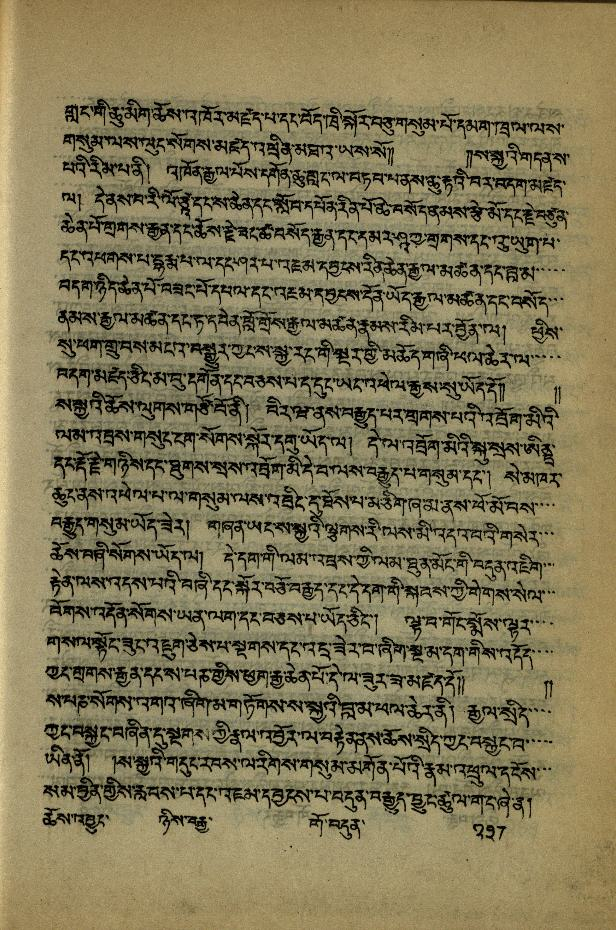གླང་གི་ཆུ་མིག་ཆོས་འཁོར་མཛད་པ་དང་བོད་ཁྲི་སྐོར་བཅུ་གསུམ་པོ་དམག་ཁྲལ་ལས་
གསུམ་ལས་ལུང་སོགས་མཛད་འཕྲིན་མཐའ་ཡས་སོ།། །།ས་སྐྱའི་གདན་ས་
པའི་རིམ་པ་ནི། འཁོན་རྒྱལ་པོས་དགོན་ཆུ་གླང་ལ་བཏབ་པ་ནས་ཆུ་རྟའི་བར་བདག་མཛད་
ལ། དེ་ནས་བ་རི་ལོ་ཙཱ་དང་ས་ཆེན་དང་སློབ་དཔོན་རིན་པོ་ཆེ་བསོད་ནམས་རྩེ་མོ་དང་རྗེ་བཙུན་
ཆེན་པོ་གྲགས་རྒྱན་དང་ཆོས་རྗེ་ཟང་ཚ་བསོད་རྒྱན་དང་དམར་ཤཱཀྱ་གྲགས་དང་འུ་ཡུག་པ་
དང་འཕགས་པ་དྷརྨ་པ་ལ་དང་ཤར་པ་འཇམ་དབྱངས་རིན་ཆེན་རྒྱལ་མཚན་དང་བླ་མ་
བདག་ཉིད་ཆེན་པོ་བཟང་པོ་དཔལ་དང་འཇམ་དབྱངས་དོན་ཡོད་རྒྱལ་མཚན་དང་བསོད་
ནམས་རྒྱལ་མཚན་དང་ཏ་དབེན་བློ་གྲོས་རྒྱལ་མཚན་རྣམས་རིམ་པར་བྱོན་ལ། ཕྱིས་
སུ་ཕག་གྲུ་བས་མངའ་བསྒྱུར་ཀྱང་ས་སྐྱ་རང་གི་སྔར་གྱི་མཆོད་གཞི་ཕལ་ཆེར་ལ་
བདག་མཛད་ཅིང་མ་བུ་དགོན་དང་བཅས་པ་ད་དུང་ཡང་འཕེལ་རྒྱས་སུ་ཡོད་དོ།། །།
ས་སྐྱའི་ཆོས་ལུགས་གཙོ་བོ་ནི། བིར་ཝ་ནས་བརྒྱུད་པར་གྲགས་པའི་འབྲོག་མིའི་
ལམ་འབྲས་གསུང་ངག་སོགས་སྐོར་དགུ་ཡོད་ལ། དེ་ལ་འབྲོག་མིའི་སྐུ་སྲས་ཨིནྡྲ་
དང་རྡོ་རྗེ་གཉིས་དང་ཐུགས་སྲས་འབྲོག་མི་དེ་བ་ལས་བརྒྱུད་པ་གསུམ་དང་། སེ་མཁར་
ཆུང་ནས་འཕེལ་པ་ལ་གསུམ་ལས་འབྲིང་དུ་ཐོས་པ་མ་ཅིག་ཞ་མ་ནས་ཕོ་མོ་བས་
བརྒྱུད་གསུམ་ཡོད་ཟེར། གཞན་ཡང་ས་སྐྱའི་ལྕགས་རི་ལས་མི་འདའ་བའི་གསེར་
ཆོས་བཞི་སོགས་ཡོད་ལ། དེ་དག་གི་ལམ་འབྲས་ཀྱི་ལམ་ཐུན་མོང་གི་བདུན་འཇིག་
རྟེན་ལས་འདས་པའི་བཞི་དང་སྐོར་བཅོ་བརྒྱད་དང་དེ་དག་གི་སྐབས་ཀྱི་གེགས་སེལ་
བོགས་འདོན་སོགས་ཡན་ལག་དང་བཅས་པ་ཡོད་ཅིང་། ལྟ་བ་གོང་སྨོས་ལྟར་
གསལ་སྟོང་ཟུང་འཇུག་ཅེས་པ་སྔགས་དང་འདྲ་ཟེར་བ་ཞིག་སྔ་མ་དག་གིས་འདོད་
ཀྱང་གྲགས་རྒྱན་དང་ས་པཎ་གྱིས་ཕྱག་རྒྱ་ཆེན་པོ་དེ་ལ་ཟུར་ཟ་མཛད་དོ།། །།
ས་པཎ་སོགས་འགའ་ཞིག་མ་གཏོགས་ས་སྐྱའི་བླ་མ་ཕལ་ཆེར་ནི། རྒྱལ་སྲིད་
ཀྱང་བསྐྱང་བཞིན་དུ་སྔགས་ཀྱི་རྣལ་འབྱོར་ལ་བརྟེན་ནས་ཆོས་སྲིད་ཀྱང་བསྐྱང་བ་
ཡིན་ནོ། །ས་སྐྱའི་གདུང་རབས་ལ་རིགས་གསུམ་མགོན་པོའི་རྣམ་འཕྲུལ་དངོས་
སམ་བྱིན་གྱིས་རླབས་པ་དང་འཇམ་དབྱངས་པ་བདུན་བརྒྱུད་བྱུང་ཚུལ་གང་ཞེ་ན།